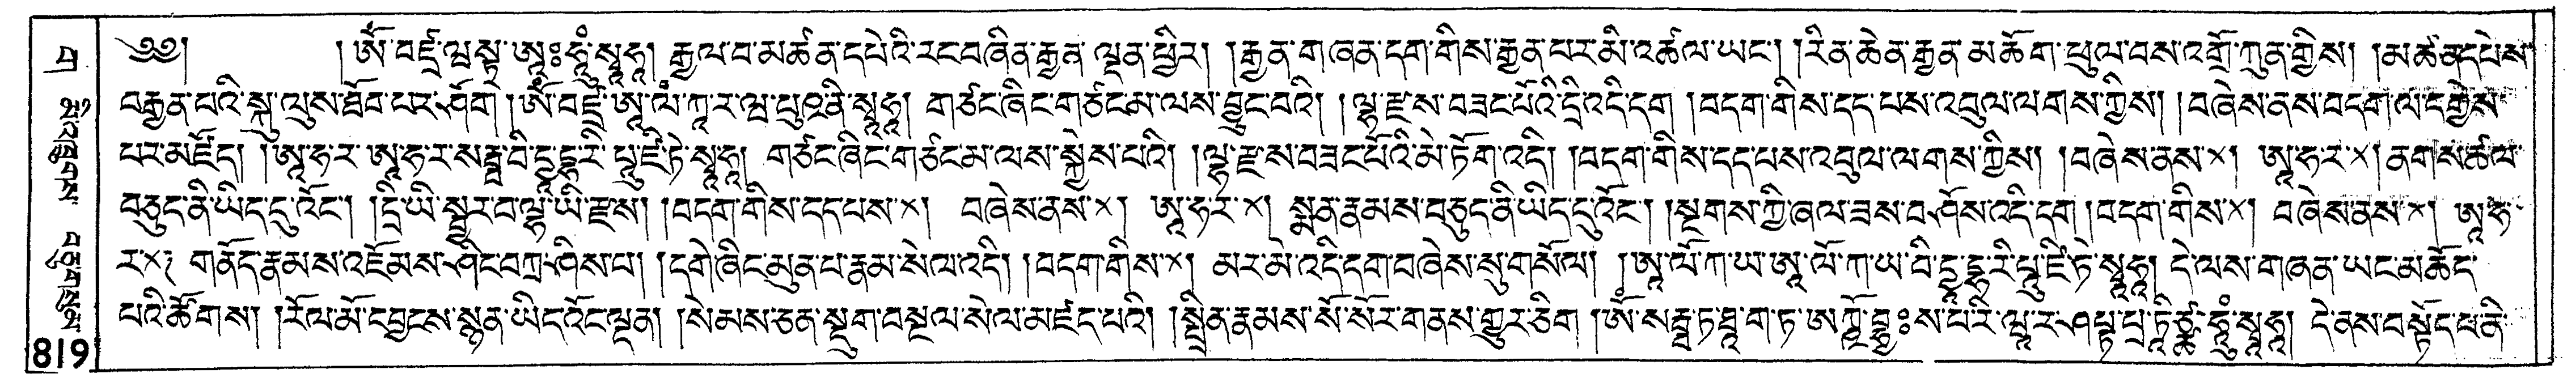༄༅། །ཨོཾ་བཛྲ་ཝསྟྲ་ཨཱཿ ཧཱུཾ་སྭཱཧཱ། རྒྱལ་བ་མཚན་དཔེའི་རང་བཞིན་རྒྱན་ལྡན་ཕྱིར། །རྒྱན་གཞན་དག་གིས་རྒྱན་པར་མི་འཚལ་ཡང་། །རིན་ཆེན་རྒྱན་མཆོག་ཕུལ་བས་འགྲོ་ཀུན་གྱིས། །མཚན་དཔེས་
བརྒྱན་པའི་སྐུ་ལུས་ཐོབ་པར་ཤོག །ཨོཾ་བཛྲ་ཨཱ་ལཾ་ཀཱ་ར་ཝ་པུཥ་ནི་སྭཱཧཱ། གཙང་ཞིང་གཙང་མ་ལས་བྱུང་བའི། །ལྷ་རྫས་བཟང་པོའི་དྲི་འདི་དག །བདག་གིས་དད་པས་འབུལ་ལགས་ཀྱིས། །བཞེས་ནས་བདག་ལ་དགྱེས་
པར་མཛོད། །ཨཱ་ཧ་ར་ཨཱ་ཧ་ར་སརྦྦ་བི་དྱཱ་དྷ་རི་པཱུ་ཛི་ཏེ་སྭཱཧཱ། གཙང་ཞིང་གཙང་མ་ལས་སྐྱེས་པའི། །ལྷ་རྫས་བཟང་པོའི་མེ་ཏོག་འདི། །བདག་གིས་དད་པས་འབུལ་ལགས་ཀྱིས། །བཞེས་ནས་྾། ཨཱ་ཧ་ར་྾། ནགས་ཚལ་
བཅུང་ནི་ཡིད་དུ་འོང་། །དྲི་ཡི་སྦྱར་བ་ལྷ་ཡི་རྫས། །བདག་གིས་དད་པས་྾། བཞེས་ནས་྾། ཨཱ་ཧ་ར་྾། སྨན་རྣམས་བཅུད་ནི་ཡིད་དུ་འོང་། །སྔགས་ཀྱི་ཞལ་ཟས་བཤོས་འདི་དག །བདག་གིས་྾། བཞེས་ནས་྾། ཨཱ་ཧ་
ར་྾༑ གནོད་རྣམས་འཇོམས་ཤིང་བཀྲ་ཤིས་པ། །དགེ་ཞིང་མུན་པ་རྣམ་སེལ་འདི། །བདག་གིས་྾། མར་མེ་འདི་དག་བཞེས་སུ་གསོལ། །ཨཱ་ལོ་ཀ་ཡ་ཨཱ་ལོ་ཀ་ཡ་བི་དྱཱ་དྷ་རི་པཱུ་ཛི་ཏེ་སྭཱཧཱ། དེ་ལས་གཞན་ཡང་མཆོད་
པའི་ཚོགས། །རོལ་མོ་དབྱངས་སྙན་ཡིད་འོང་ལྡན། །སེམས་ཅན་སྡུག་བསྔལ་སེལ་མཛད་པའི། །སྤྲིན་རྣམས་སོ་སོར་གནས་གྱུར་ཅིག །ཨོཾ་སརྦྦ་ཏ་ཐཱ་ག་ཏ་ཨཀྵོ་བྷྱཿ ས་པ་རི་ཝཱ་ར་ཤཔྟ་པྲ་ཏཱི་ཙྪ་ཧཱུཾ་སྭཱཧཱ། དེ་ནས་བསྟོད་པ་ནི་